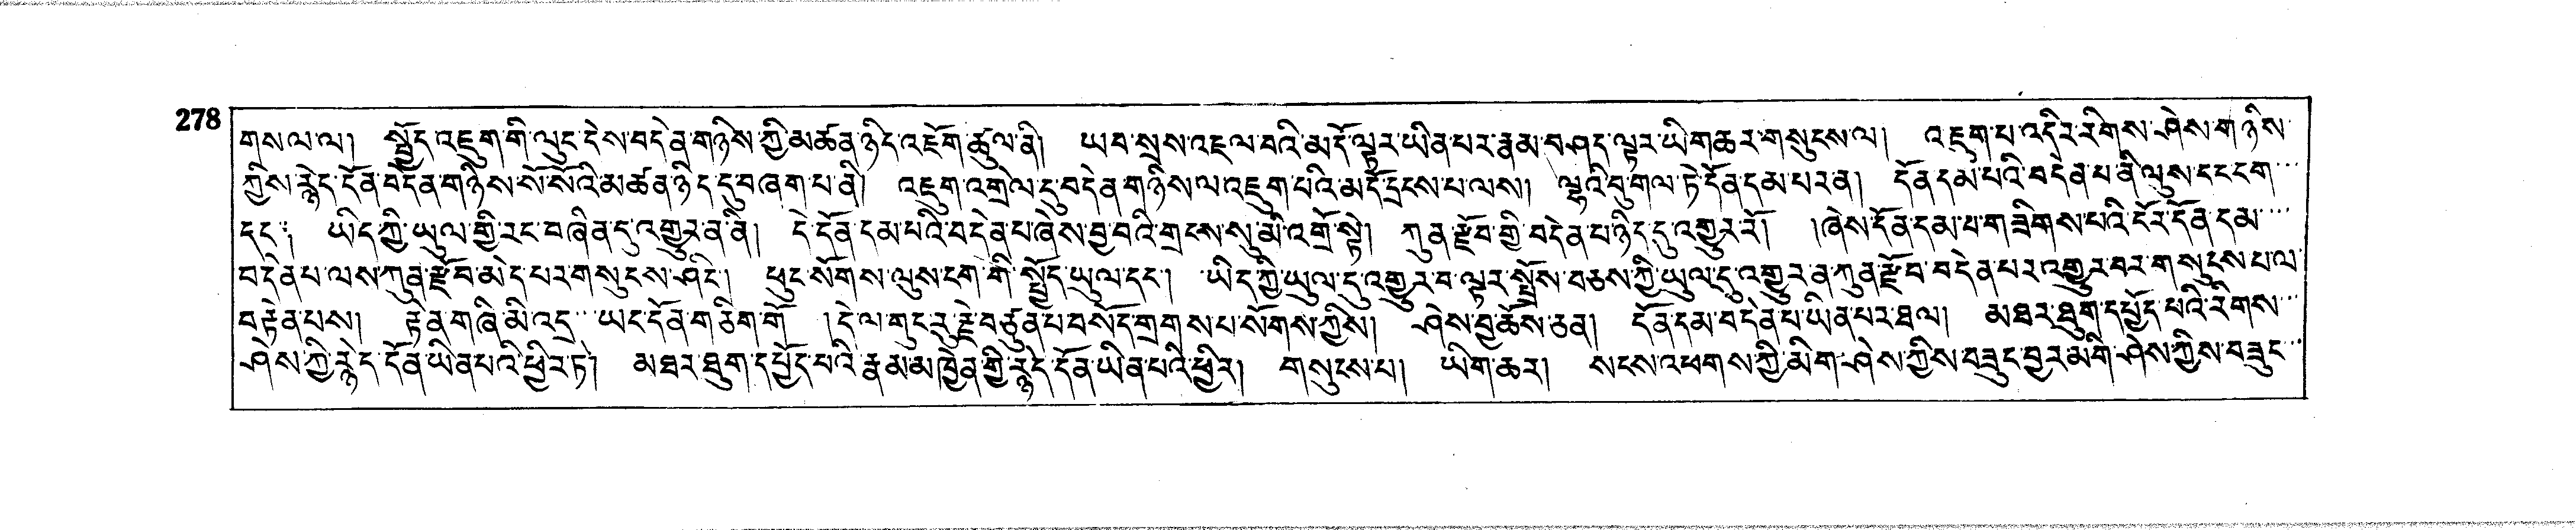གསལ་ལ། སྤྱོད་འཇུག་གི་ལུང་དེས་བདེན་གཉིས་ཀྱི་མཚན་ཉིད་འཇོག་ཚུལ་ནི། ཡབ་སྲས་འཇལ་བའི་མདོ་ལྟར་ཡིན་པར་རྣམ་བཤད་ལྟར་ཡིག་ཆར་གསུངས་ལ། འཇུག་པ་འདིར་རིགས་ཤེས་གཉིས་
ཀྱིས་རྙེད་དོན་བདེན་གཉིས་སོ་སོའི་མཚན་ཉིད་དུ་བཞག་པ་ནི། འཇུག་འགྲེལ་དུ་བདེན་གཉིས་ལ་འཇུག་པའི་མདོ་དྲངས་པ་ལས། ལྷའི་བུ་གལ་ཏེ་དོན་དམ་པར་ན། དོན་དམ་པའི་བདེན་པ་ནི་ལུས་དང་ངག་
དང༑ ཡིད་ཀྱི་ཡུལ་གྱི་རང་བཞིན་དུ་འགྱུར་ན་ནི། དེ་དོན་དམ་པའི་བདེན་པ་ཞེས་བྱ་བའི་གྲངས་སུ་མི་འགྲོ་སྟེ། ཀུན་རྫོབ་གྱི་བདེན་པ་ཉིད་དུ་འགྱུར་རོ། །ཞེས་དོན་དམ་པ་གཟིགས་པའི་ངོར་དོན་དམ་
བདེན་པ་ལས་ཀུན་རྫོབ་མེད་པར་གསུངས་ཤིང་། ཕུང་སོགས་ལུས་ངག་གི་སྤྱོད་ཡུལ་དང་། ཡིད་ཀྱི་ཡུལ་དུ་འགྱུར་བ་ལྟར་སྤྲོས་བཅས་ཀྱི་ཡུལ་དུ་འགྱུར་ན་ཀུན་རྫོབ་བདེན་པར་འགྱུར་བར་གསུངས་པ་ལ་
བརྟེན་པས། རྟེན་གཞི་མི་འདྲ་ཡང་དོན་གཅིག་གོ །དེ་ལ་གུང་རུ་རྗེ་བཙུན་པ་བསོད་གྲགས་པ་སོགས་ཀྱིས། ཤེས་བྱ་ཆོས་ཅན། དོན་དམ་བདེན་པ་ཡིན་པར་ཐལ། མཐར་ཐུག་དཔྱོད་པའི་རིགས་
ཤེས་ཀྱི་རྙེད་དོན་ཡིན་པའི་ཕྱིར་ཏེ། མཐར་ཐུག་དཔྱོད་པའི་རྣམ་མཁྱེན་གྱི་རྙེད་དོན་ཡིན་པའི་ཕྱིར། གསུངས་པ། ཡིག་ཆར། སངས་འཕགས་ཀྱི་མིག་ཤེས་ཀྱིས་བཟུང་བྱར་མིག་ཤེས་ཀྱིས་བཟུང་